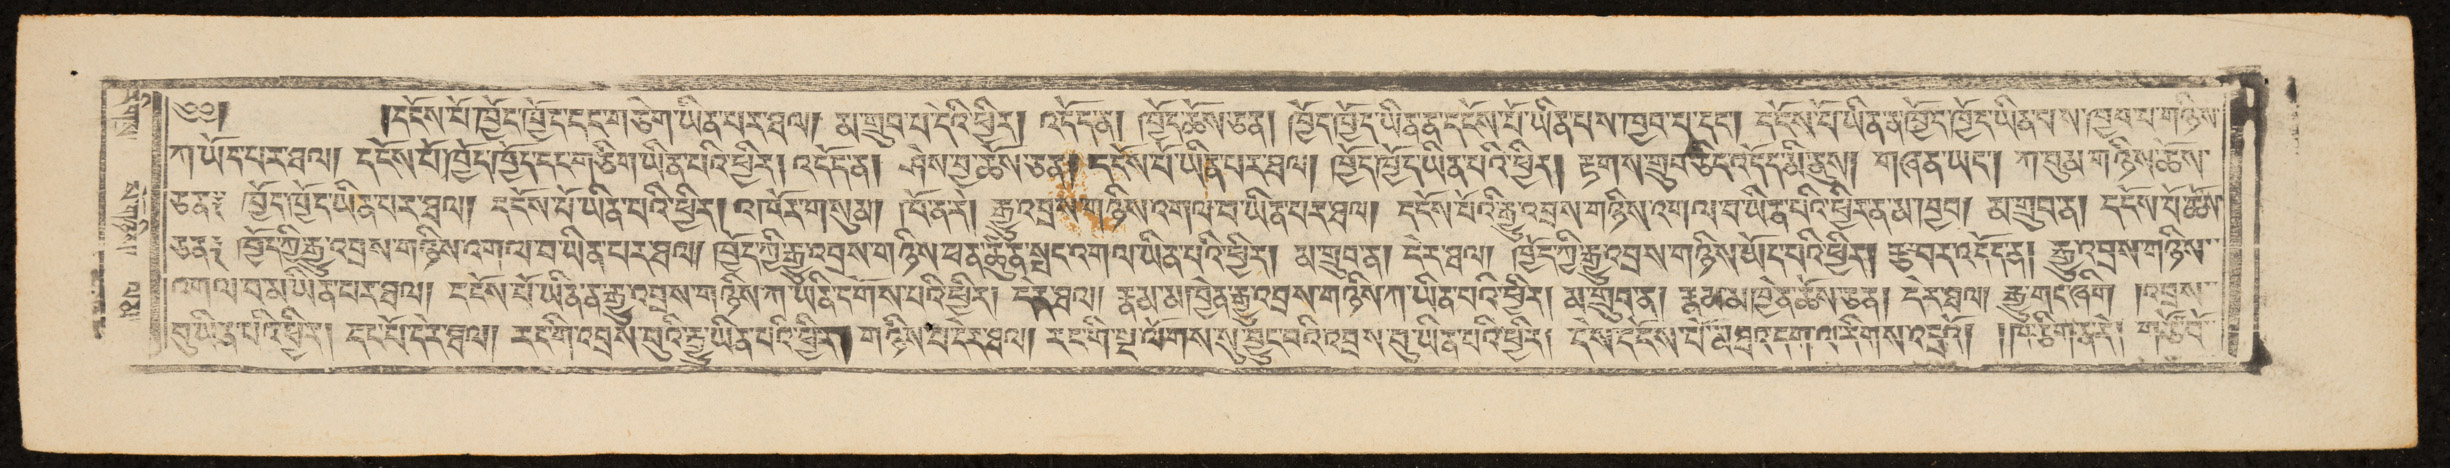༄༅། །དངོས་པོ་ཁྱོད་ཁྱོད་དང་གཅིག་ཡིན་པར་ཐལ། མ་གྲུབ་ན་དེའི་ཕྱིར། འདོད་ན། ཁྱོད་ཆོས་ཅན། ཁྱོད་ཁྱོད་ཡིན་ན་དངོས་པོ་ཡིན་པས་ཁཡབ་པ་དང་། དངོས་པོ་ཡིན་ན་ཁྱོད་ཁྱོད་ཡིན་པས་ཁྱབ་པ་གཉིས་
ཀ་ཡོད་པར་ཐལ། དངོས་པོ་ཁྱོད་ཁྱོད་དང་གཅིག་ཡིན་པའི་ཕྱིར། འདོད་ན། ཤེས་བྱ་ཆོས་ཅན། དངོས་པོ་ཡིན་པར་ཐལ། ཁྱོད་ཁྱོད་ཡིན་པའི་ཕྱིར། རྟགས་གྲུབ་ཅིང་འདོད་མི་ནུས། གཞན་ཡང་། ཀ་བུམ་གཉིས་ཆོས་
ཅན། ཁྱོད་ཁྱོད་ཡིན་པར་ཐལ། དངོས་པོ་ཡིན་པའི་ཕྱིར། འཁོར་གསུམ། ཁོ་ན་རེ། རྒྱུ་འབྲས་གཉིས་འགལ་བ་ཡིན་པར་ཐལ། དངོས་པོའི་རྒྱུ་འབྲས་གཉིས་འགལ་བ་ཡིན་པའི་ཕྱིར་ན་མ་ཁྱབ། མ་གྲུབ་ན། དངོས་པོ་ཆོས་
ཅན། ཁྱོད་ཀྱི་རྒྱུ་འབྲས་གཉིས་འགལ་བ་ཡིན་པར་ཐལ། ཁྱོད་ཀྱི་རྒྱུ་འབྲས་གཉིས་ཕན་ཚུན་སྤང་འགལ་ཡིན་པའི་ཕྱིར། མ་གྲུབ་ན། དེར་ཐལ། ཁྱོད་ཀྱི་རྒྱུ་འབྲས་གཉིས་ཡོད་པའི་ཕྱིར། རྩ་བར་འདོད་ན། རྒྱུ་འབྲས་གཉིས་
འགལ་བ་མ་ཡིན་པར་ཐལ། དངོས་པོ་ཡིན་ན་རྒྱུ་འབྲས་གཉིས་ཀ་ཡིན་དགོས་པའི་ཕྱིར། དེར་ཐལ། རྣམ་མཁྱེན་རྒྱུ་འབྲས་གཉིས་ཀ་ཡིན་པའི་ཕྱིར། མ་གྲུབ་ན། རྣམ་མཁྱེན་ཆོས་ཅན། དེར་ཐལ། རྒྱུ་གང་ཞིག། །འབྲས་
བུ་ཡིན་པའི་ཕྱིར། དང་པོ་དེར་ཐལ། རང་གི་འབྲས་བུའི་རྒྱུ་ཡིན་པའི་ཕྱིར། གཉིས་པ་དེར་ཐལ། རང་གི་སྔ་ལོགས་སུ་བྱུང་བའི་འབྲས་བུ་ཡིན་པའི་ཕྱིར། དེས་དངོས་པོ་མཐའ་དག་ལ་རིགས་འདྲའོ། །ཁ་ཅིག་ན་རེ། གཙོ་བོ་